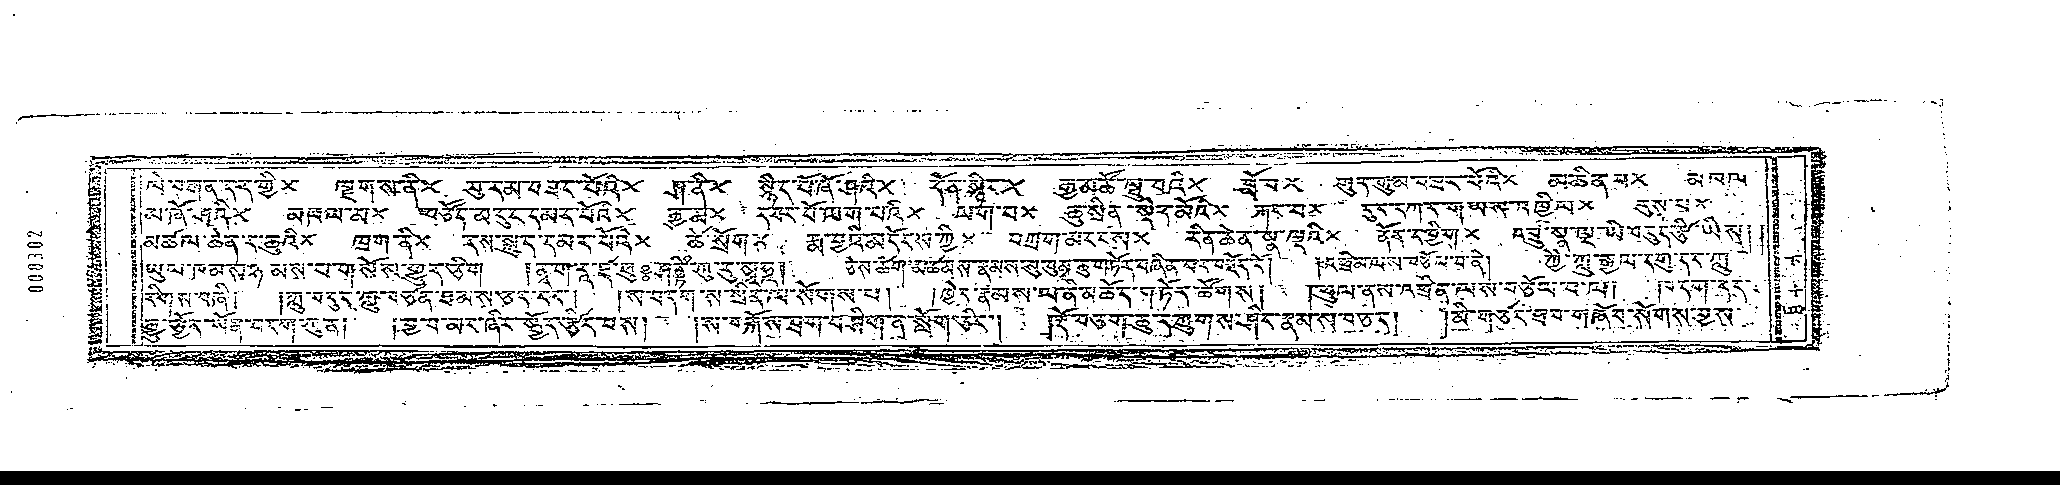ལེ་བརྒན་དར་གྱི་྾་ལྗགས་ནི་྾་བུར་མ་བཟང་པོའི་྾་ཤ་ནི་྾་སྙིང་པོ་ཞོ་ཤའི་྾་དོན་སྙིང་྾་རྒྱ་མཚོ་སྦུ་བའི་྾་གློ་བ་྾་གུར་གུམ་བཟང་པོའི་྾་མཆིན་པ་྾་མཁལ་
མ་ཞོ་ཤའི་྾་མཁལ་མ་྾་བཙོད་མདུད་དམར་པོའི་྾་རྒྱུ་མ་྾་དབང་པོ་ལག་པའི་྾་ལག་པ་྾་ཆུ་སྲིན་སྡེར་མོའི་྾་རྐད་པ་྾་དུད་དཀར་གཡས་འཁྱིལ་྾་རུས་པ་྾་
མཚལ་ཆེན་ད་ཆུའི་྾་ཁྲག་ནི་྾་རས་སྐུད་དམར་པོའི་྾་ཚེ་སྲོག་྾་རྨ་བྱའི་མདོངས་ཀྱི་྾་བཀྲག་མདངས་྾་རིན་ཆེན་སྣ་ལྔའི་྾་ནོར་དབྱི་ག་྾་འབྲུ་སྣ་ལྔ་ཡི་བདུད་རྩི་ཡིས། །
ཡུལ་ཁམས་ཉམས་པ་གསོས་གྱུར་ཅིག །ནཱ་ག་རཱ་ཛ་ཕུཿ་ཤནྟིཾ་ཀུ་རུ་སྭཱཧཱ། ཅེས་ཚིག་མཚམས་རྣམས་སུ་བུམ་ཆུ་གཏོར་བཞིན་པར་བརྗོད་དོ། འཕྲིན་ལས་བཅོལ་བ་ནི། ཀྱཻ་ཀླུ་རྒྱལ་དགུ་དར་ཀླུ་
རིགས་བཞི། །ཀླུ་བདུད་ཀླུ་བཙན་ཐམས་ཅད་དང་། །ས་བདག་ས་སྲིན་ལ་སོགས་པ། །ཁྱེད་རྣམས་ལ་ནི་མཆོད་གཏོར་ཚོགས། །ཕུལ་ནས་འཕྲིན་ལས་བཅོལ་བ་ལ། །བདག་དང་
རྒྱུ་སྦྱོར་ཡོན་བདག་ཀུན། །བྱ་བ་མང་ཞིང་སྤྱོད་རྩིང་བས། །ས་བརྐོས་བྲག་བཤིག་ནས་སློག་ཅིང་། །རྡོ་བཅག་ཆུ་དཀྲུགས་ཤིང་རྣམས་བཅད། །མི་གཙང་ཐབ་གཞོབ་སོགས་བྱས་